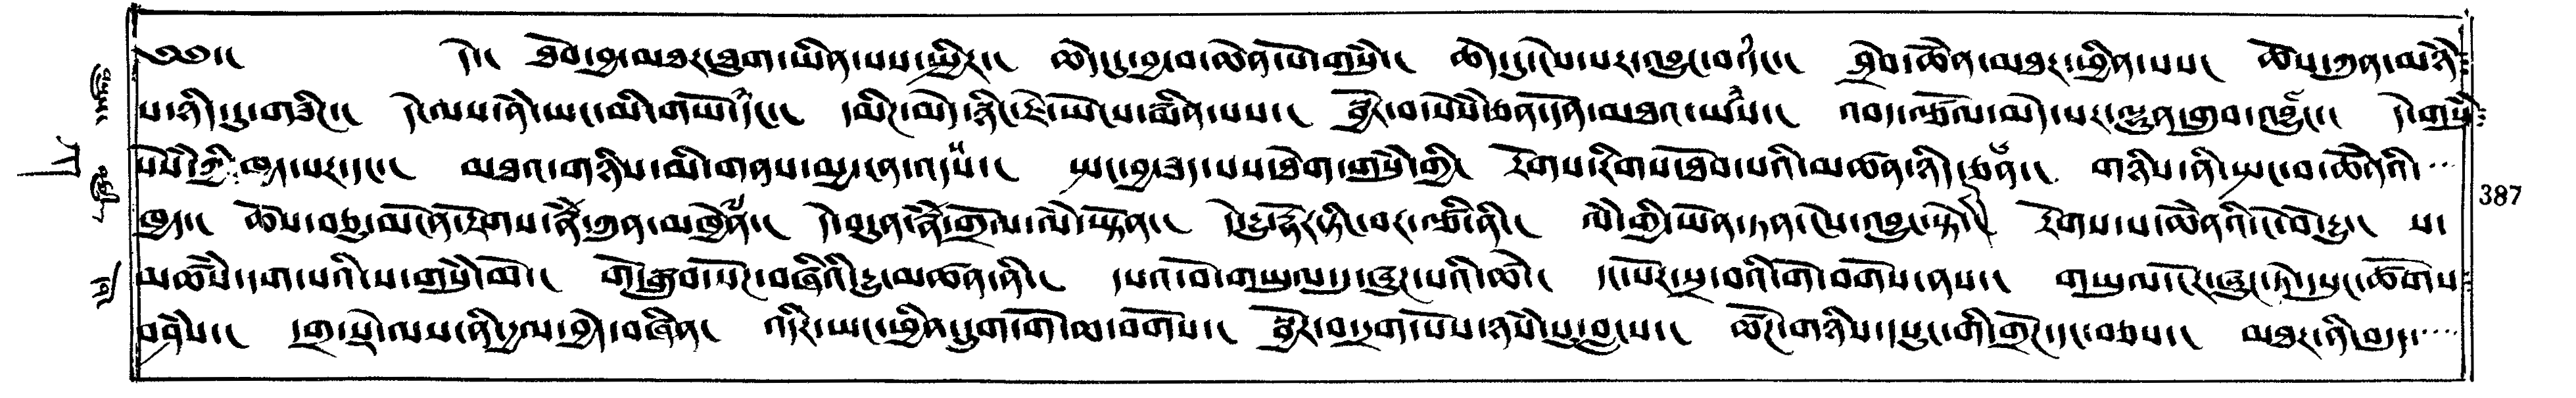དེ། །ཐོབ་བྱ་མཐར་ཐུག་ཡིན་པས་སྤྱིར། །ཆེད་དུ་བྱ་བ་ཆེན་པོ་གསུམ། །ཆེད་དུ་ངེས་པར་འབྱུང་བ་དང་། །ཤེས་རབ་ཆེན་པོ་མཐར་ཕྱིན་པས། །ཆོས་ཀུན་མཉམ་
པ་ཉིད་དུ་གཟིགས། །དེ་ལས་ནམ་ཡང་མི་གཡོ་དང་། །དམིགས་མེད་སྙིང་རྗེ་ཡོངས་སྨིན་པས། །སྦྱོར་བ་སེམས་ཅན་དོན་མཐའ་ཡས། །འབད་རྩོལ་མེད་པར་ལྷུན་གྲུབ་འབྱུང་། །དེ་གསུམ་
སེམས་ཀྱི་ཁྱད་པར་དང་། །མཐའ་གཉིས་མི་གནས་མྱ་ངན་འདས། །སྤང་བྱ་ཟད་པས་ཐེག་གསུམ་གྱི། །རྟོགས་རིགས་ཐོབ་པའི་མཚན་ཉིད་ཅན། །གཉིས་ནི་སྤང་བ་ཆེན་པོའི་
ཁྱད། །ཆོས་བཅུ་མངོན་རྟོགས་རྣམ་ཀུན་མཁྱེན། །དེ་བདུན་རྣམ་གྲོལ་ལམ་ཡོན་ཏན། །དེ་རྒྱུ་རྡོར་ཏིང་བར་རྩི་ནི། །ལམ་གྱི་ཡོན་ཏན་ངེས་འབྱུང་སྟེ། །རྟོགས་པ་ཆེན་པོའི་ངོ་བོ་རྒྱུ། །ས་
མཚམས་དག་པའི་ས་གསུམ་མོ། །གོ་སྒྲུབ་སོགས་བཞིའི་རྒྱུ་མཚན་ནི། །དཔའ་བོ་གཡུལ་དུ་ཞུགས་པའི་ཚེ། །དང་པོར་སྲ་བའི་གོ་བགོས་ནས། །གཡུལ་ངོར་ཞུགས་ཏེ་དཔུང་ཚོགས་
བཤམས། །དགྲ་སྡེ་ལས་ནི་རྒྱལ་བྱེད་བཞིན། །འདིར་ཡང་ཕྱིན་དྲུག་གོ་ཆ་བགོས། །སྦྱོར་བ་དྲག་པོས་ཉམས་སུ་བླངས། །ཚོགས་གཉིས་དཔུང་གི་གྲོགས་དང་བཅས། །མཐར་ནི་བདུད་